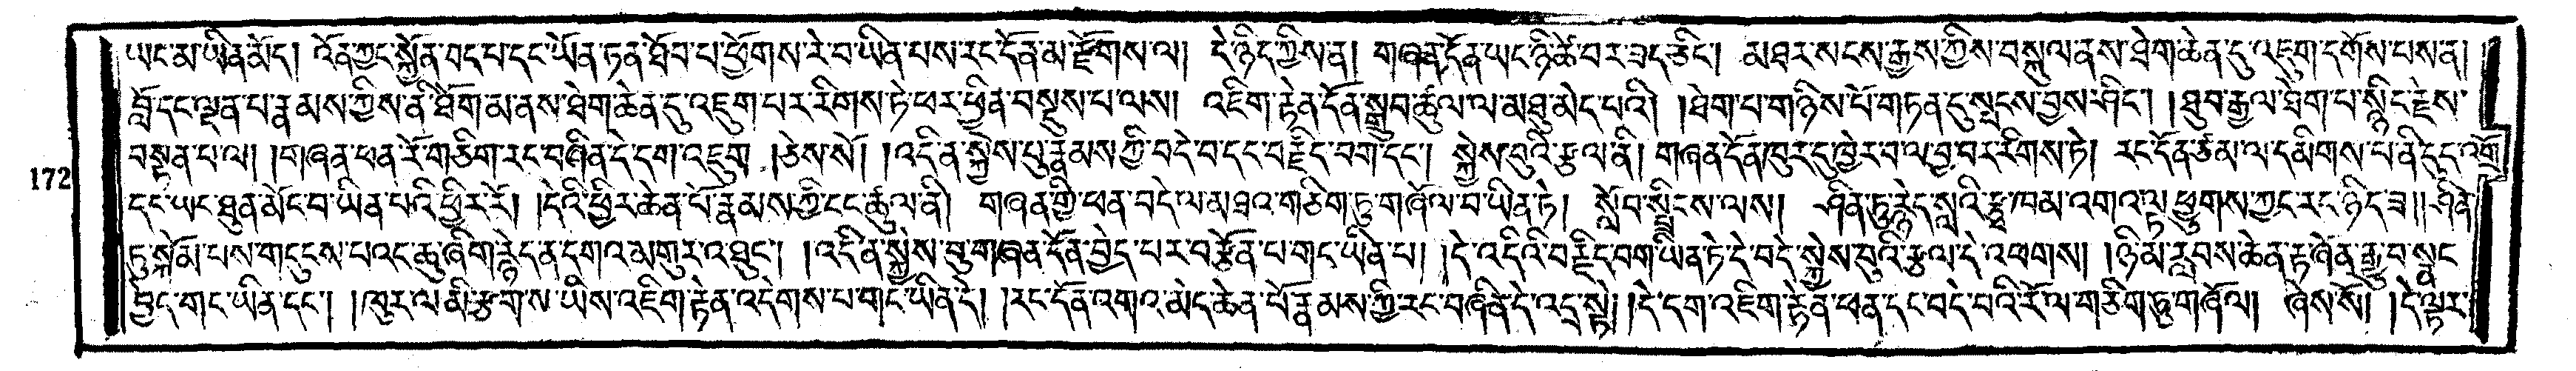ཡང་མ་ཡིན་མོད། འོན་ཀྱང་སྐྱོན་བད་པ་དང་ཡོན་ཏན་ཐོབ་པ་ཕྱོགས་རེ་བ་ཡིན་པས་རང་དོན་མ་རྫོགས་ལ། དེ་ཉིད་ཀྱིས་ན། གཞན་དོན་ཡང་ཉི་ཚེ་བར་ཟད་ཅིང་། མཐར་སངས་རྒྱས་ཀྱིས་བསྐུལ་ནས་ཐེག་ཆེན་དུ་འཇུག་དགོས་པས་ན།
བློ་དང་ལྡན་པ་རྣམས་ཀྱིས་ནི་ཐོག་མ་ནས་ཐེག་ཆེན་དུ་འཇུག་པར་རིགས་ཏེ་ཕར་ཕྱིན་བསྡུས་པ་ལས། འཇིག་རྟེན་དོན་སྒྲུབ་ཚུལ་ལ་མཐུ་མེད་པའི། །ཐེག་པ་གཉིས་པོ་གཏན་དུ་སྤངས་བྱས་ཤིང་། །ཐུབ་རྒྱལ་ཐེག་པ་སྙིང་རྗེས་
བསྟན་པ་ལ། །གཞན་ཕན་རོ་གཅིག་རང་བཞིན་དེ་དག་འཇུག །ཅེས་སོ། །འདི་ན་སྐྱེས་པུ་རྣམས་ཀྱི་བདེ་བ་དང་བརྗིད་བག་དང་། སྐྱེས་བུའི་རྩལ་ནི། གཞན་དོན་ཁུར་དུ་ཁྱེར་བ་ལ་བྱ་བར་རིགས་ཏེ། རང་དོན་ཙམ་ལ་དམིགས་པ་ནི་དུད་འགྲོ་
དང་ཡང་ཐུན་མོང་བ་ཡིན་པའི་ཕྱིར་རོ། །དེའི་ཕྱིར་ཆེན་པོ་རྣམས་ཀྱི་ངང་ཚུལ་ནི། གཞན་གྱི་ཕན་བདེ་ལ་མཐའ་གཅིག་ཏུ་གཞོལ་བ་ཡིན་ཏེ། སློབ་སྤྲིངས་ལས། ཤིན་ཏུ་རྙེད་སླའི་རྩྭ་ཁམ་འགའ་ལྟ་ཕྱུགས་ཀྱང་རང་ཉིད་ཟ། །ཤིན་
ཏུ་སྐོམ་པས་གདུངས་པའང་ཆུ་ཞིག་རྙེད་ན་དགའ་མགུར་འཐུང་། །འདི་ན་སྐྱེས་བུ་གཞན་དོན་བྱེད་པར་བརྩོན་པ་གང་ཡིན་པ། །དེ་འདིའི་བརྗིད་བག་ཡིན་ཏེ་དེ་བདེ་སྐྱེས་བུའི་རྩལ་དེ་འཕགས། །ཉི་མ་རླབས་ཆེན་རྟ་ཞོན་རྒྱུ་བ་སྣང་
བྱེད་གང་ཡིན་དང་། །ཁུར་ལ་མི་རྩག་ས་ཡིས་འཇིག་རྟེན་འདེགས་པ་གང་ཡིན་དེ། །རང་དོན་འགའ་མེད་ཆེན་པོ་རྣམས་ཀྱི་རང་བཞིན་དེ་འདྲ་སྟེ། །དེ་དག་འཇིག་རྟེན་ཕན་དང་བདེ་བའི་རོ་ལ་གཅིག་ཏུ་གཞོལ། ཞེས་སོ། །དེ་ལྟར་